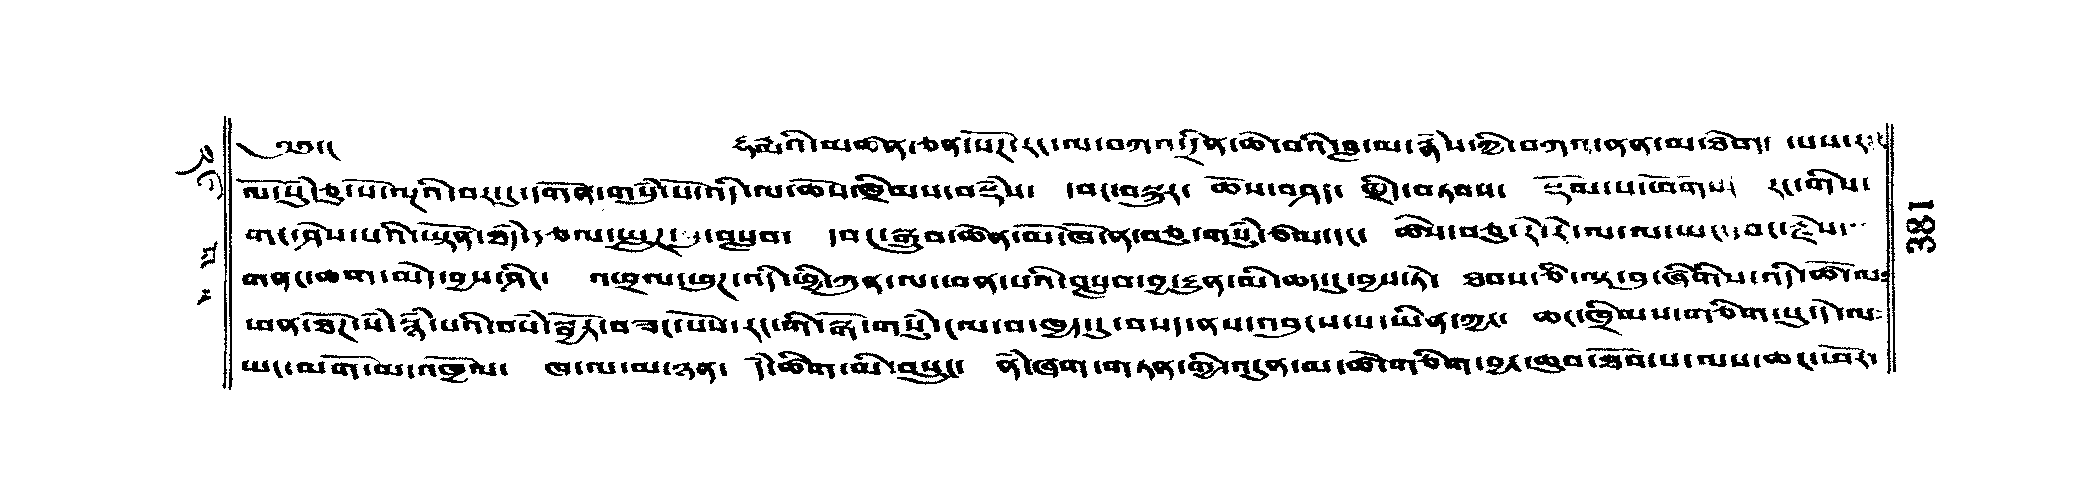དྷརྨའི་མཚན་ཅན་སོགས་རང་ལ་བཀའ་དྲིན་ཆེ་བའི་བླ་མ་རྣམས་ཀྱི་བཀའ་ནན་མ་ཐེག་པས་རང་
ལོ་སུམ་ཅུ་སོ་ལྔའི་བར་དུ་དགོན་གསུམ་པོ་འདི་ལ་ཆོས་ཁྲིམས་བསྡམས། དབང་བསྐུར། ཆོས་བཤད། ཁྲིད་བཏབས། སྡོམ་པ་ཕོགས། རང་གིས་
གང་ཤེས་པའི་ཡོན་ཏན་ཐམས་ཅད་རྩལ་སྤྲུགས་སུ་བསླབས། དབང་སྒྲུབ་ཆེན་མོ་ཁོ་ན་བཅུ་གསུམ་ཙམ་དང་། ཚེས་བཅུ་རེ་རེ་ལ་ཡང་དབང་རྗེས་
གནང་ཆག་མེད་བྱས་ཤིང་། འཕྲལ་ཕུགས་འདི་ཕྱི་ཀུན་ལ་ཕན་པའི་བསླབ་བྱ་རྒྱུན་མི་ཆད་དུ་བྱས་ཏེ། ཐབས་ཅི་ལྟ་བུ་ཞིག་གིས་འདི་ཚོ་ལ་
ཕན་ཐོགས་སམ་སྙམ་པའི་བསམ་སྦྱོར་བཟང་པོས་རང་གི་སྒོ་གསུམ་ངལ་བ་ཁྱད་དུ་བསད་ནས་འབུངས་པ་ཡིན་ཀྱང་། ཆང་ཁྲིམས་གཅིག་པུ་དེ་ལ་
ཡང་མགོ་མ་འཁྱོལ། ཁ་ལ་མ་ཉན། དམ་ཚིག་མི་བསྲུང་། ནམ་ཞག་གཏན་གྱི་འདུན་མ་ཚེ་གཅིག་བྱང་ཆུབ་ཐོབ་པ་ལས་ཆང་ཕོར་